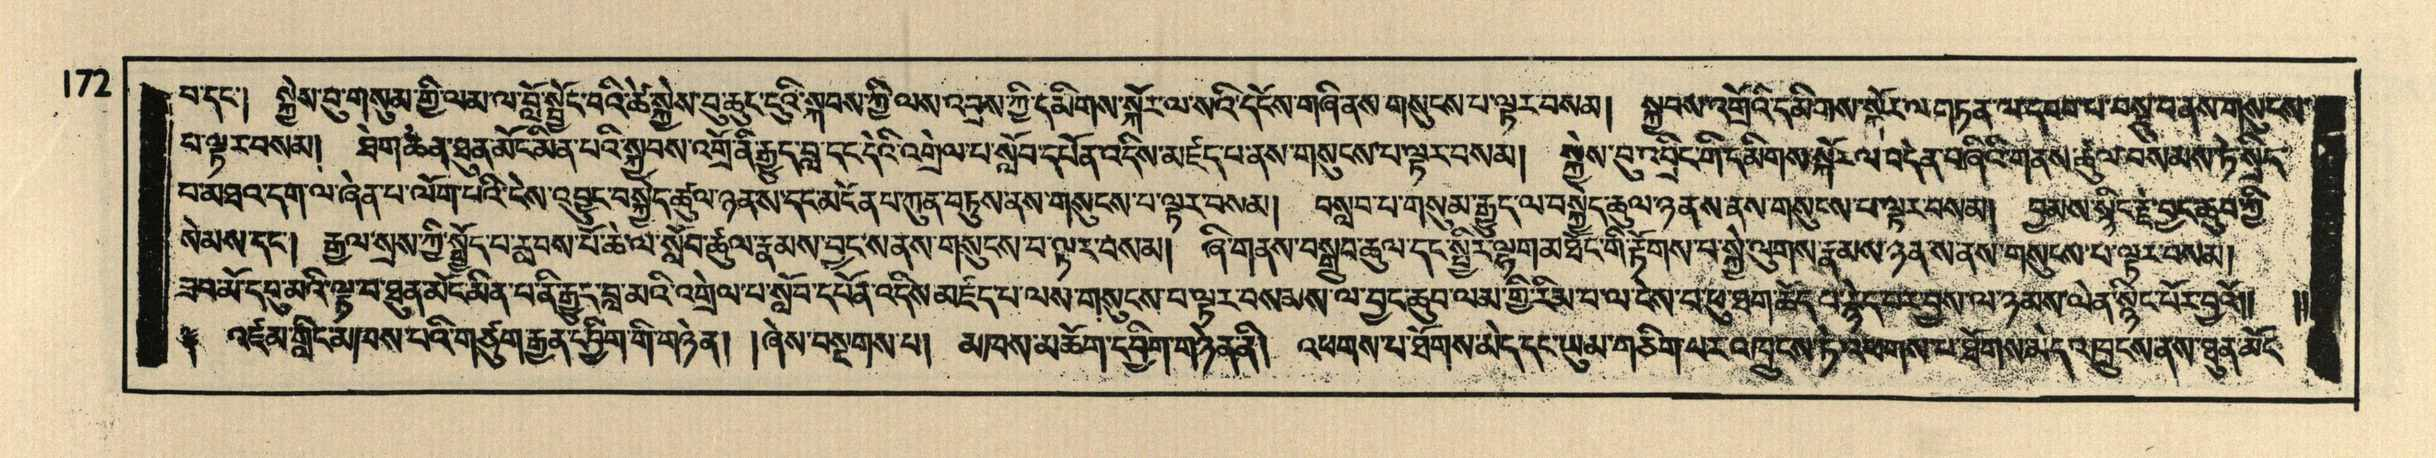པ་དང་། སྐྱེས་བུ་གསུམ་གྱི་ལམ་ལ་བློ་སྦྱོང་བའི་ཚེ་སྐྱེས་བུ་ཆུང་ངུའི་སྐབས་ཀྱི་ལས་འབྲས་ཀྱི་དམིགས་སྐོར་ལ་སའི་དངོས་གཞི་ནས་གསུངས་པ་ལྟར་བསམ། སྐྱབས་འགྲོའི་དམིགས་སྐོར་ལ་གཏན་ལ་དབབ་པ་བསྡུ་བ་ནས་གསུངས་
པ་ལྟར་བསམ། ཐེག་ཆེན་ཐུན་མོང་མིན་པའི་སྐྱབས་འགྲོ་ནི་རྒྱུད་བླ་དང་དེའི་འགྲེལ་པ་སློབ་དཔོན་འདིས་མཛད་པ་ནས་གསུངས་པ་ལྟར་བསམ། སྐྱེས་བུ་འབྲིང་གི་དམིགས་སྐོར་ལ་བདེན་བཞིའི་གནས་ཚུལ་བསམས་ཏེ་སྲིད་
པ་མཐའ་དག་ལ་ཞེན་པ་ལོག་པའི་ངེས་འབྱུང་བསྐྱེད་ཚུལ་ཉན་ས་དང་མངོན་པ་ཀུན་བཏུས་ནས་གསུངས་པ་ལྟར་བསམ། བསླབ་པ་གསུམ་རྒྱུད་ལ་བསྐྱེད་ཆུལ་ཉན་ས་ནས་གསུངས་པ་ལྟར་བསམ། བྱམས་སྙིང་རྗེ་བྱང་ཆུབ་ཀྱི་
སེམས་དང་། རྒྱལ་སྲས་ཀྱི་སྤྱོད་པ་རླབས་པོ་ཆེ་ལ་སློབ་ཚུལ་རྣམས་བྱང་ས་ནས་གསུངས་བ་ལྟར་བསམ། ཞི་གནས་བསྒྲུབ་ཆུལ་དང་སྤྱིར་ལྷག་མཐོང་གི་རྟོགས་པ་སྐྱེ་ལུགས་རྣམས་ཉན་ས་ནས་གསུངས་པ་ལྟར་བསམ།
ཟབ་མོ་དབུ་མའི་ལྟ་བ་ཐུན་མོང་མིན་པ་ནི་རྒྱུད་བླ་མའི་འགྲེལ་པ་སློབ་དཔོན་འདིས་མཛད་པ་ལས་གསུངས་བ་ལྟར་བསམས་ལ་བྱང་ཆུབ་ལམ་གྱི་རིམ་བ་ལ་ངེས་པ་ཕུ་ཐག་ཆོད་པ་རྙེད་བར་བྱས་ལ་ཉམས་ལེན་སྙིང་པོར་བྱའོ།། །།
༈ འཛམ་གླིང་མཁས་པའི་གཙུག་རྒྱན་དབྱིག་གི་གཉེན། །ཞེས་བསྔགས་པ། མཁས་མཆོག་དབྱིག་གཉེན་ནི། འཕགས་པ་ཐོགས་མེད་དང་ཡུམ་གཅིག་པར་འཁྲུངས་ཏེ་འཕགས་པ་ཐོགས་མེད་འཁྲུངས་ནས་ཐུན་མོང་